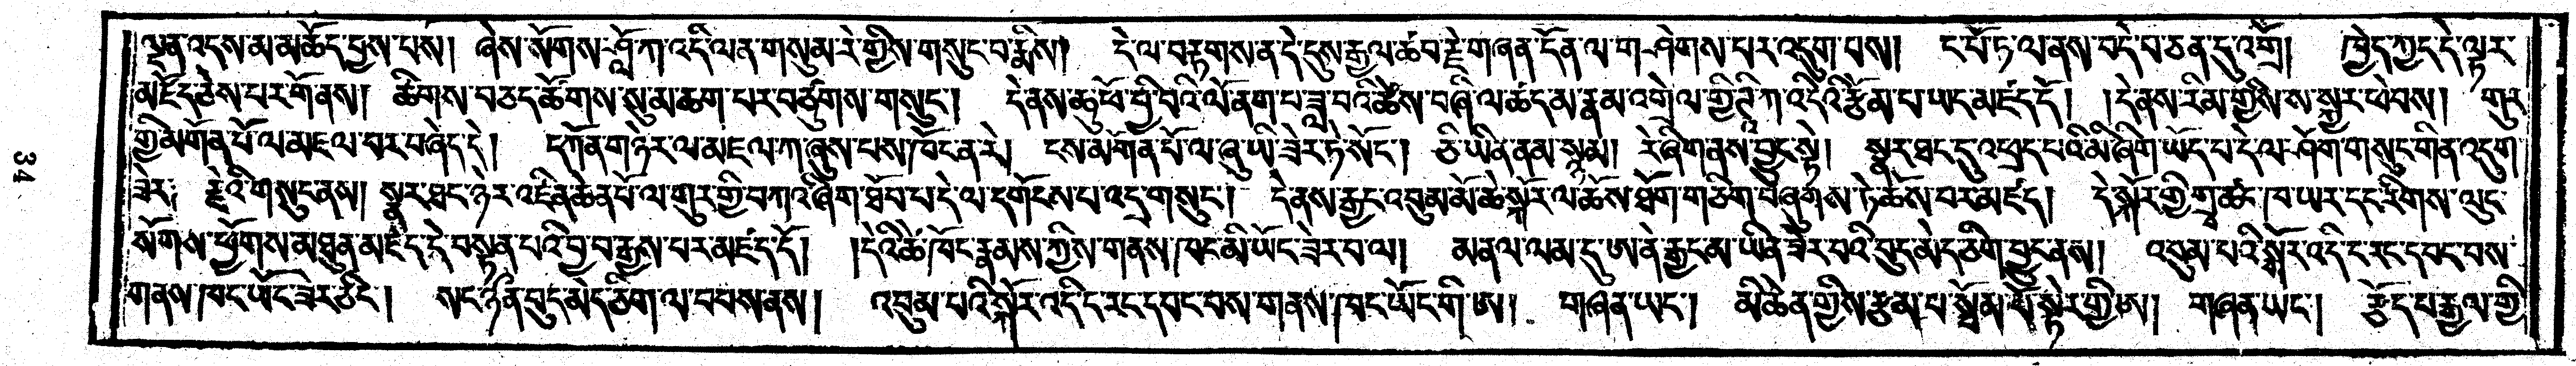ལྡན་འདས་མ་མཆོད་བྱས་པས། ཞེས་སོགས་ཤློ་ཀ་འདི་ལན་གསུམ་རེ་གྱིས་གསུང་བ་རྨིས། དེ་ལ་བརྟགས་ན་དེ་དུས་རྒྱལ་ཚབ་རྗེ་གཞན་དོན་ལ་གཤེགས་པར་འདུག་པས། ང་པོ་ཏ་ལ་ནས་བདེ་བ་ཅན་དུ་འགྲོ། ཁྱེད་ཀྱང་དེ་ལྟར་
མཛོད་ཅེས་པར་གོ་ནས། ཚིགས་བཅད་ཚོགས་སུ་མ་ཆག་པར་བཙུགས་གསུང་། དེ་ནས་ཆུ་ཕོ་བྱི་བའི་ལོ་ནག་པ་ཟླ་བའི་ཚེས་བཞི་ལ་ཚད་མ་རྣམ་འགྲེལ་གྱི་ཊཱིཀ་འདིའི་རྩོམ་པ་ཡང་མཛད་དོ། །དེ་ནས་རིམ་གྱིས་ས་སྐྱར་ཕེབས། གུར་
གྱི་མགོན་པོ་ལ་མཇལ་བར་བཞེད་དེ། དཀོན་གཉེར་ལ་མཇལ་ཀ་ཞུས་པས་ཁོང་ན་རེ། ངས་མགོན་པོ་ལ་ཞུ་ཡི་ཟེར་ཏེ་སོང་། ཅི་ཡིན་ནམ་སྙམ། རེ་ཞིག་ནས་བྱུང་སྟེ། སྣར་ཐང་དུ་འཕྲད་པའི་མི་ཞིག་ཡོད་པ་དེ་ལ་ཤོག་གསུང་གིན་འདུག་
ཟེར༑ རྗེའི་གསུང་ནས། སྣར་ཐང་ཉེར་འཛིན་ཆེན་པོ་ལ་གུར་གྱི་བཀའ་ཞིག་ཐོབ་པ་དེ་ལ་དགོངས་པ་འདྲ་གསུང་། དེ་ནས་རྒྱང་འབུམ་མོ་ཆེ་སྐོར་ལ་ཆོས་ཐོག་གཅིག་བཞུགས་ཏེ་ཆོས་བར་མཛད། དེ་སྐོར་གྱི་གྲྭ་ཚང་ཁ་ཡར་དང་རིགས་ལུང་
སོགས་ཕྱོགས་མཐུན་མཛད་དེ་བསྟན་པའི་བྱ་བ་རྒྱས་པར་མཛད་དོ། །དེའི་ཚེ་ཁོང་རྣམས་ཀྱིས་གནས་ཁང་མི་ཡོང་ཟེར་བ་ལ། མནལ་ལམ་དུ་ཨ་ནེ་རྒྱང་མ་ཡིན་ཟེར་བའི་བུད་མེད་ཅིག་བྱུང་ནས། འབུམ་པའི་སྒོར་འདི་ང་རང་དབང་བས་
གནས་ཁང་ཡོང་ཟེར་ཅིང་། སང་ཉིན་བུད་མེད་ཅིག་ལ་བབས་ནས། འབུམ་པའི་སྐོར་འདི་ད་རང་དབང་བས་གནས་ཁང་ཡོང་གི་ཨ། གཞན་ཡང་། མི་ཆེན་གྱིས་རྩམ་པ་སྦོམ་པོ་སྟེར་གྱི་ཨ། གཞན་ཡང་། རྩོད་པ་རྒྱལ་གྱི་